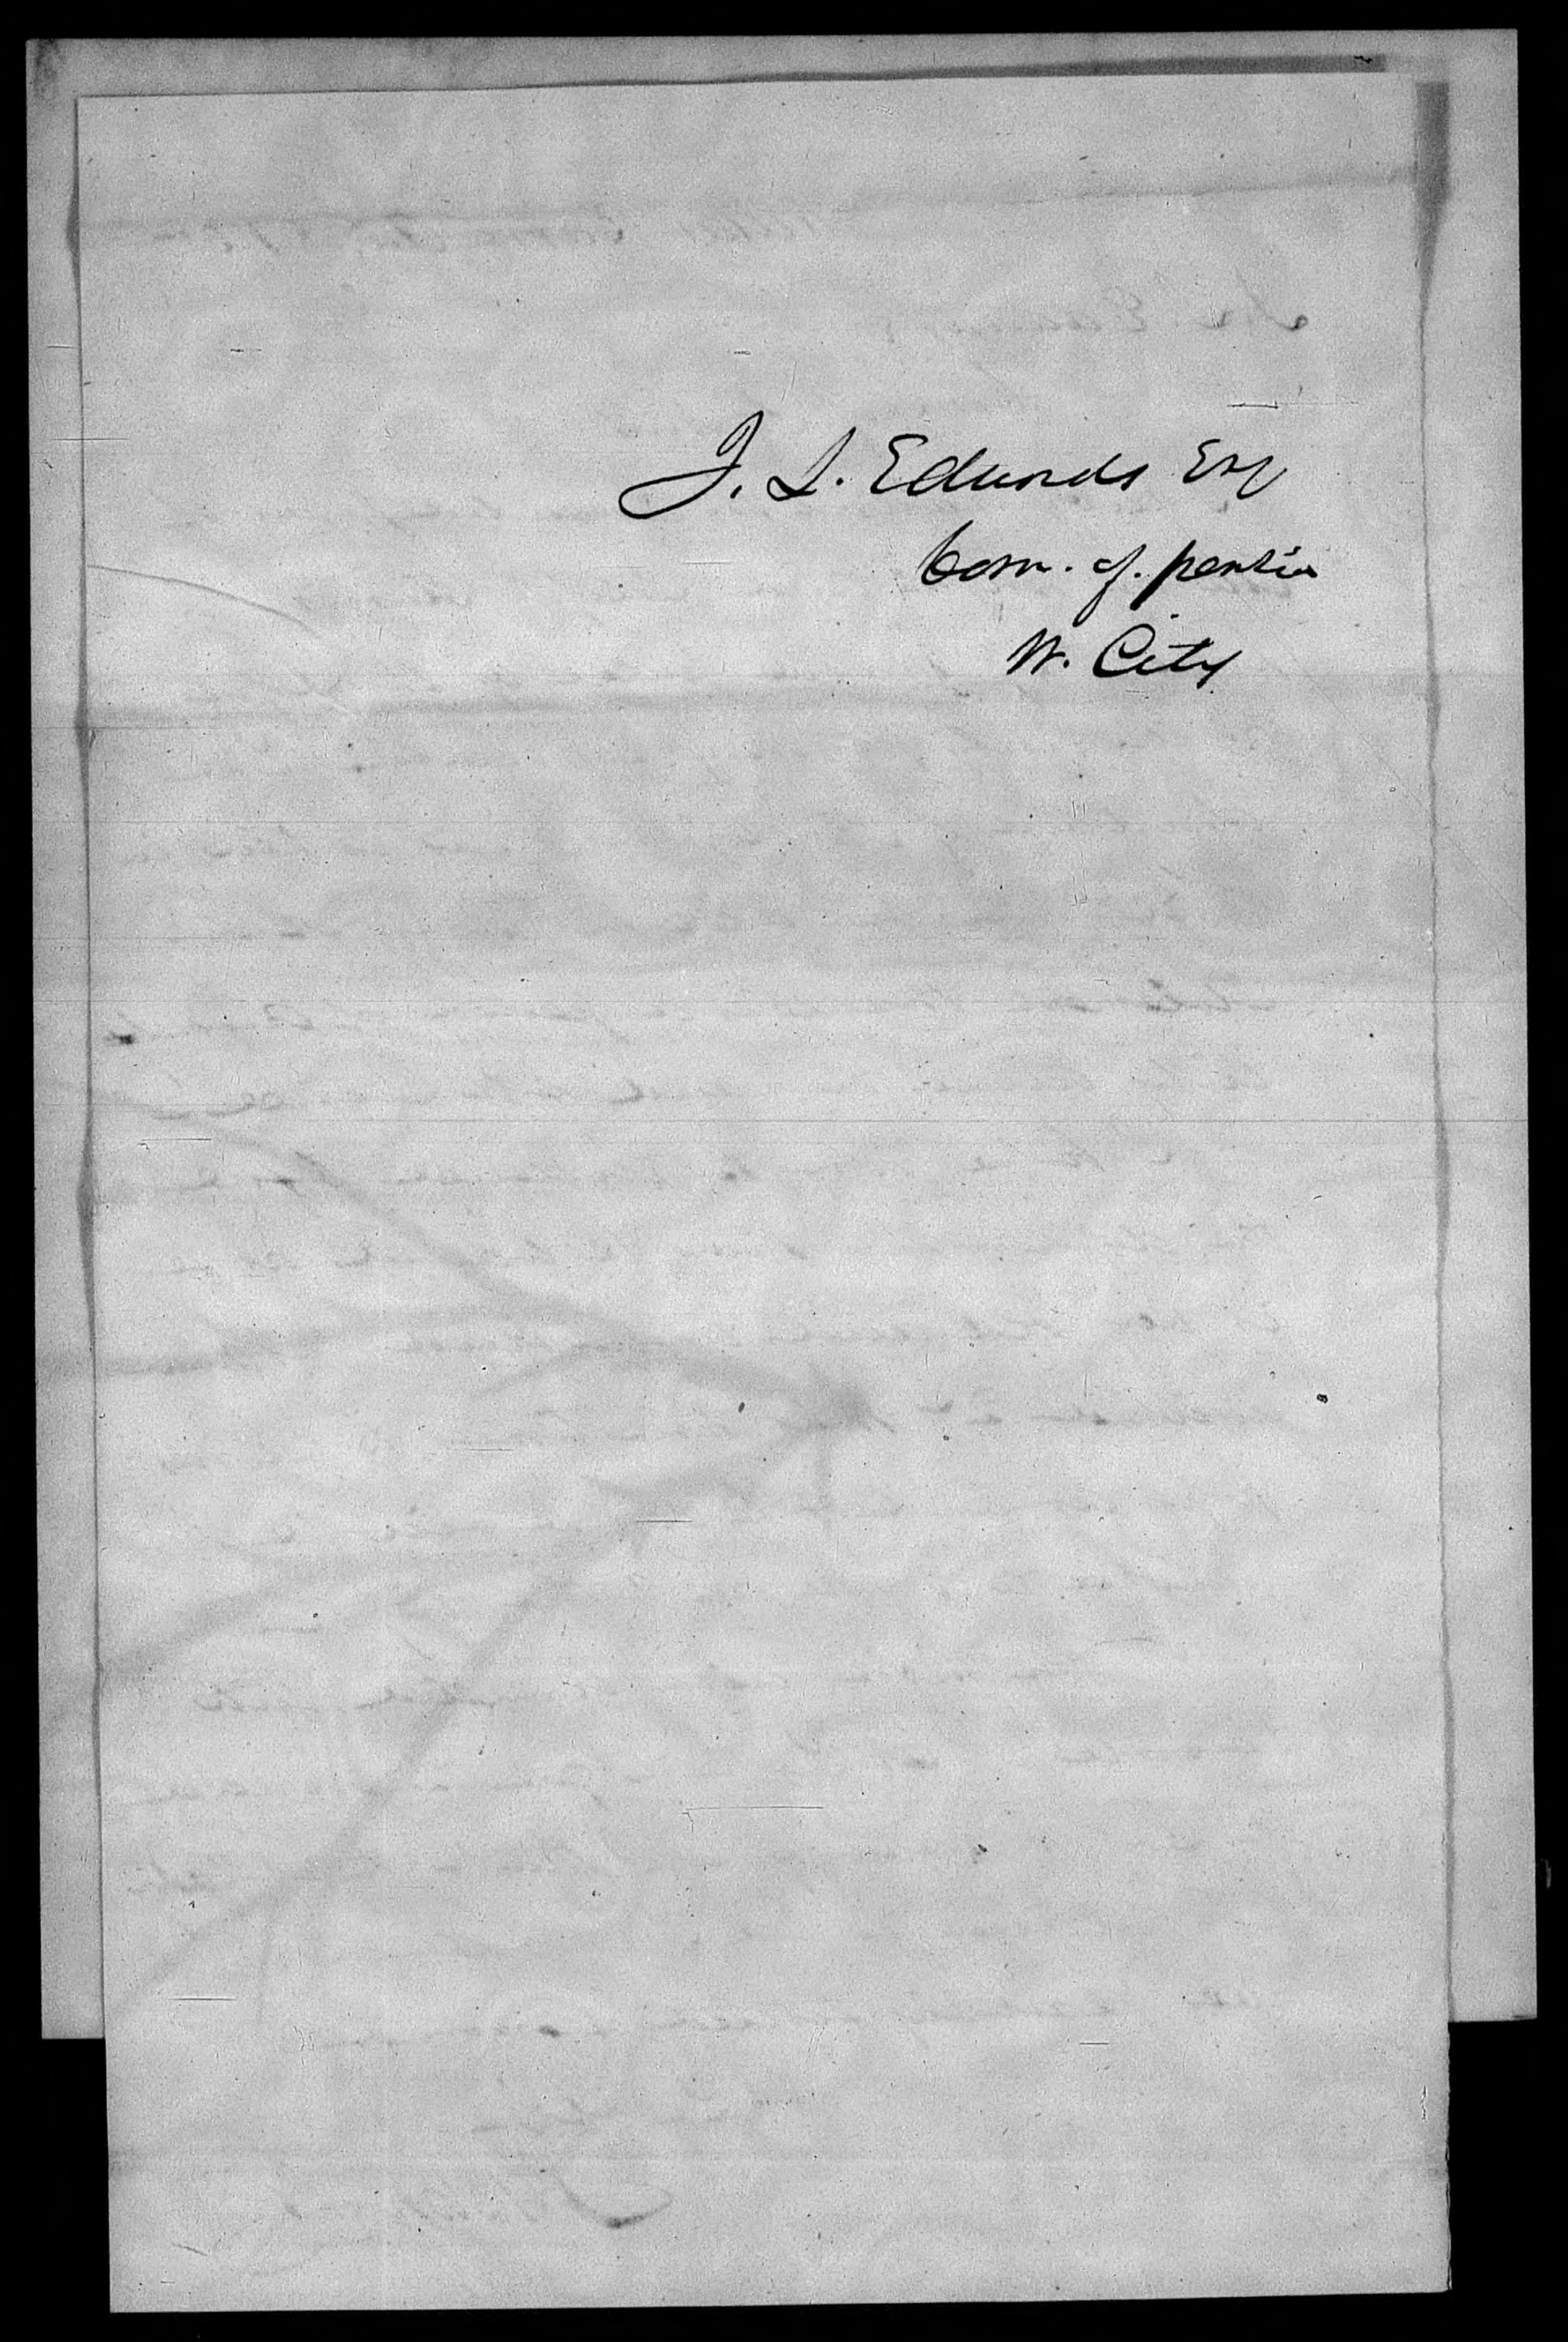J. L. Edwards Esq
Com. of Pension
W. City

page: 30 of 31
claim: survivor's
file: S. 6154, for Joseph Sturgis, Pennsylvania